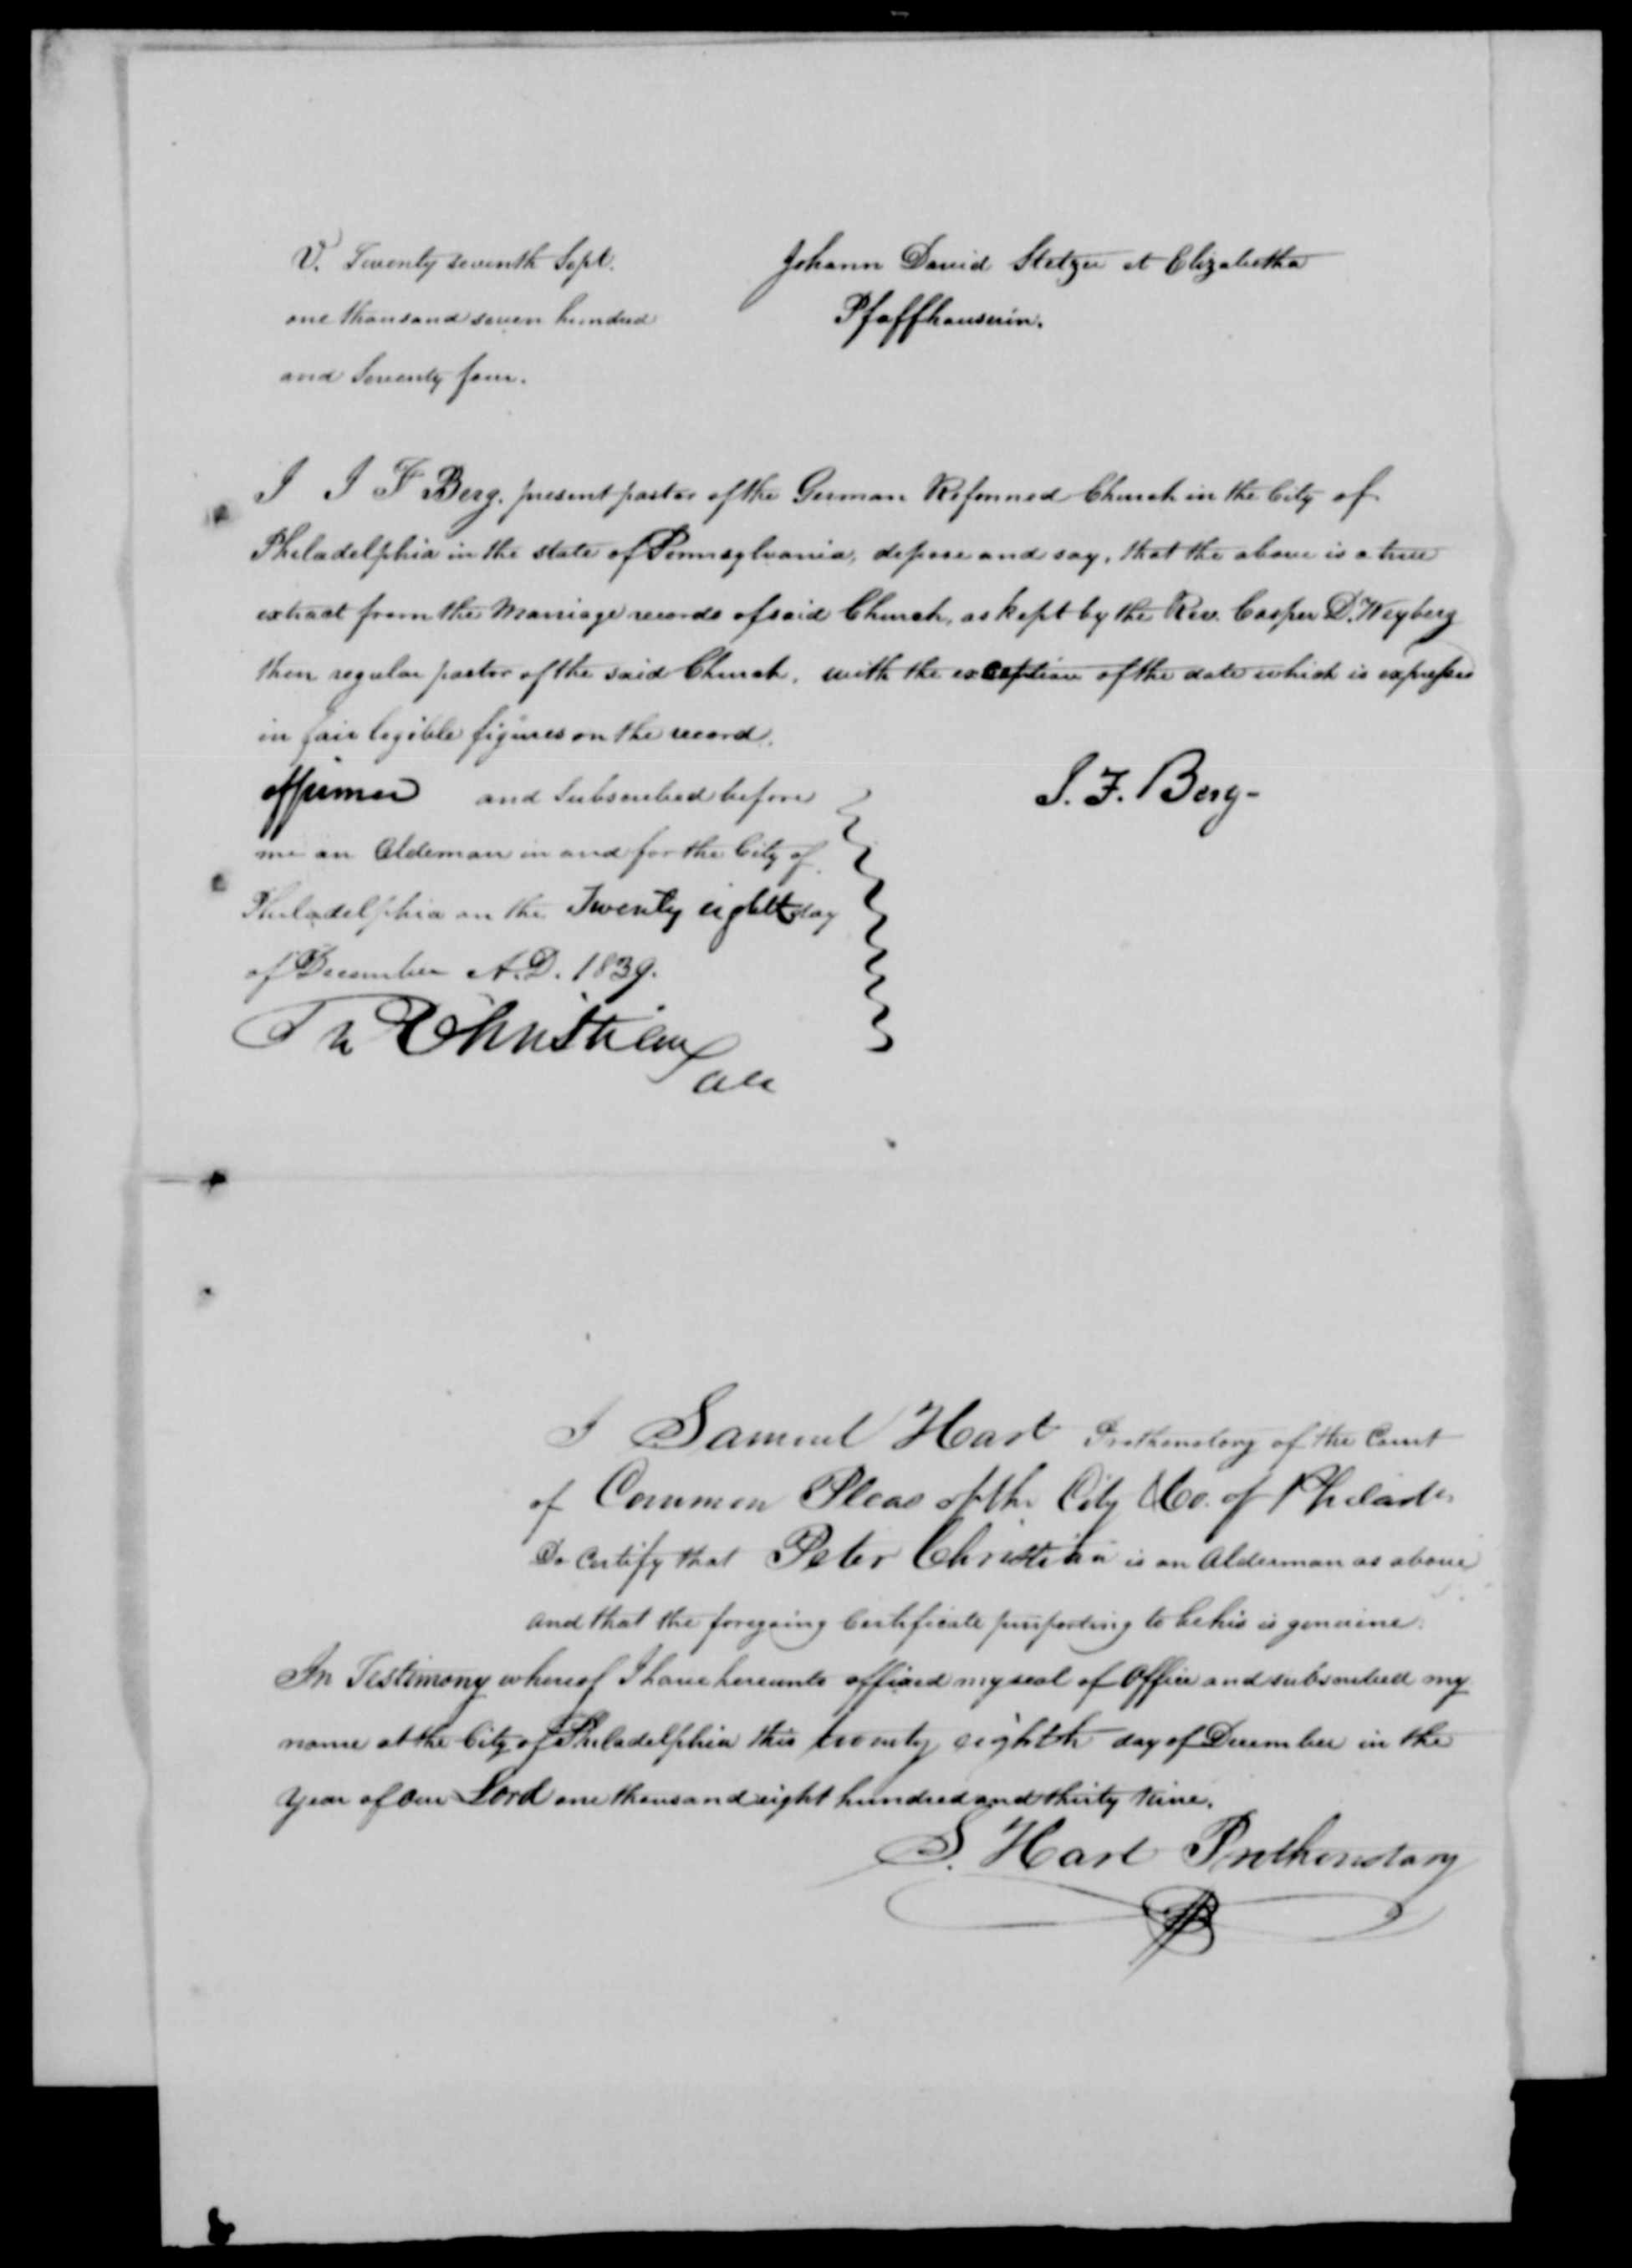V. Twenty seventh September, one thousand seven hundred and seventy-four
Johann David Stetzer et Elizabetha Pfaffhausein.
I, J F Berg, present pastor of the German Reformed Church in the City of Philadelphia in the State of Pennsylvania, depose and say, that the above is a true extract from the Marriage records of said Church as kept by the Rev. Casper D. Weyberg, then regular pastor of the said Church, with the exception of the date which is expressed in fair legible figures on the record.
J. F. Berg
Affirmed and subscribed before me, an Alderman in and for the City of Philadelphia on the Twenty eighth day of December A.D. 1839.
P.A. Christian, Alderman
I, Samuel Hart, Prothonotary of the Court of Common Pleas of the City and County of Philadelphia, do certify that Peter Christian is an Alderman as above and that the foregoing Certificate purporting to be his is genuine.
In Testimony whereof, I have hereunto affixed my seal of Office and subscribed my name at the City of Philadelphia this twenty eighth day of December in the year of our Lord one thousand eight hundred and thirty-nine.
S. Hart, Prothonotary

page: 16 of 28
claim: widow's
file: W. 3163, for David Statser, Pennsylvania